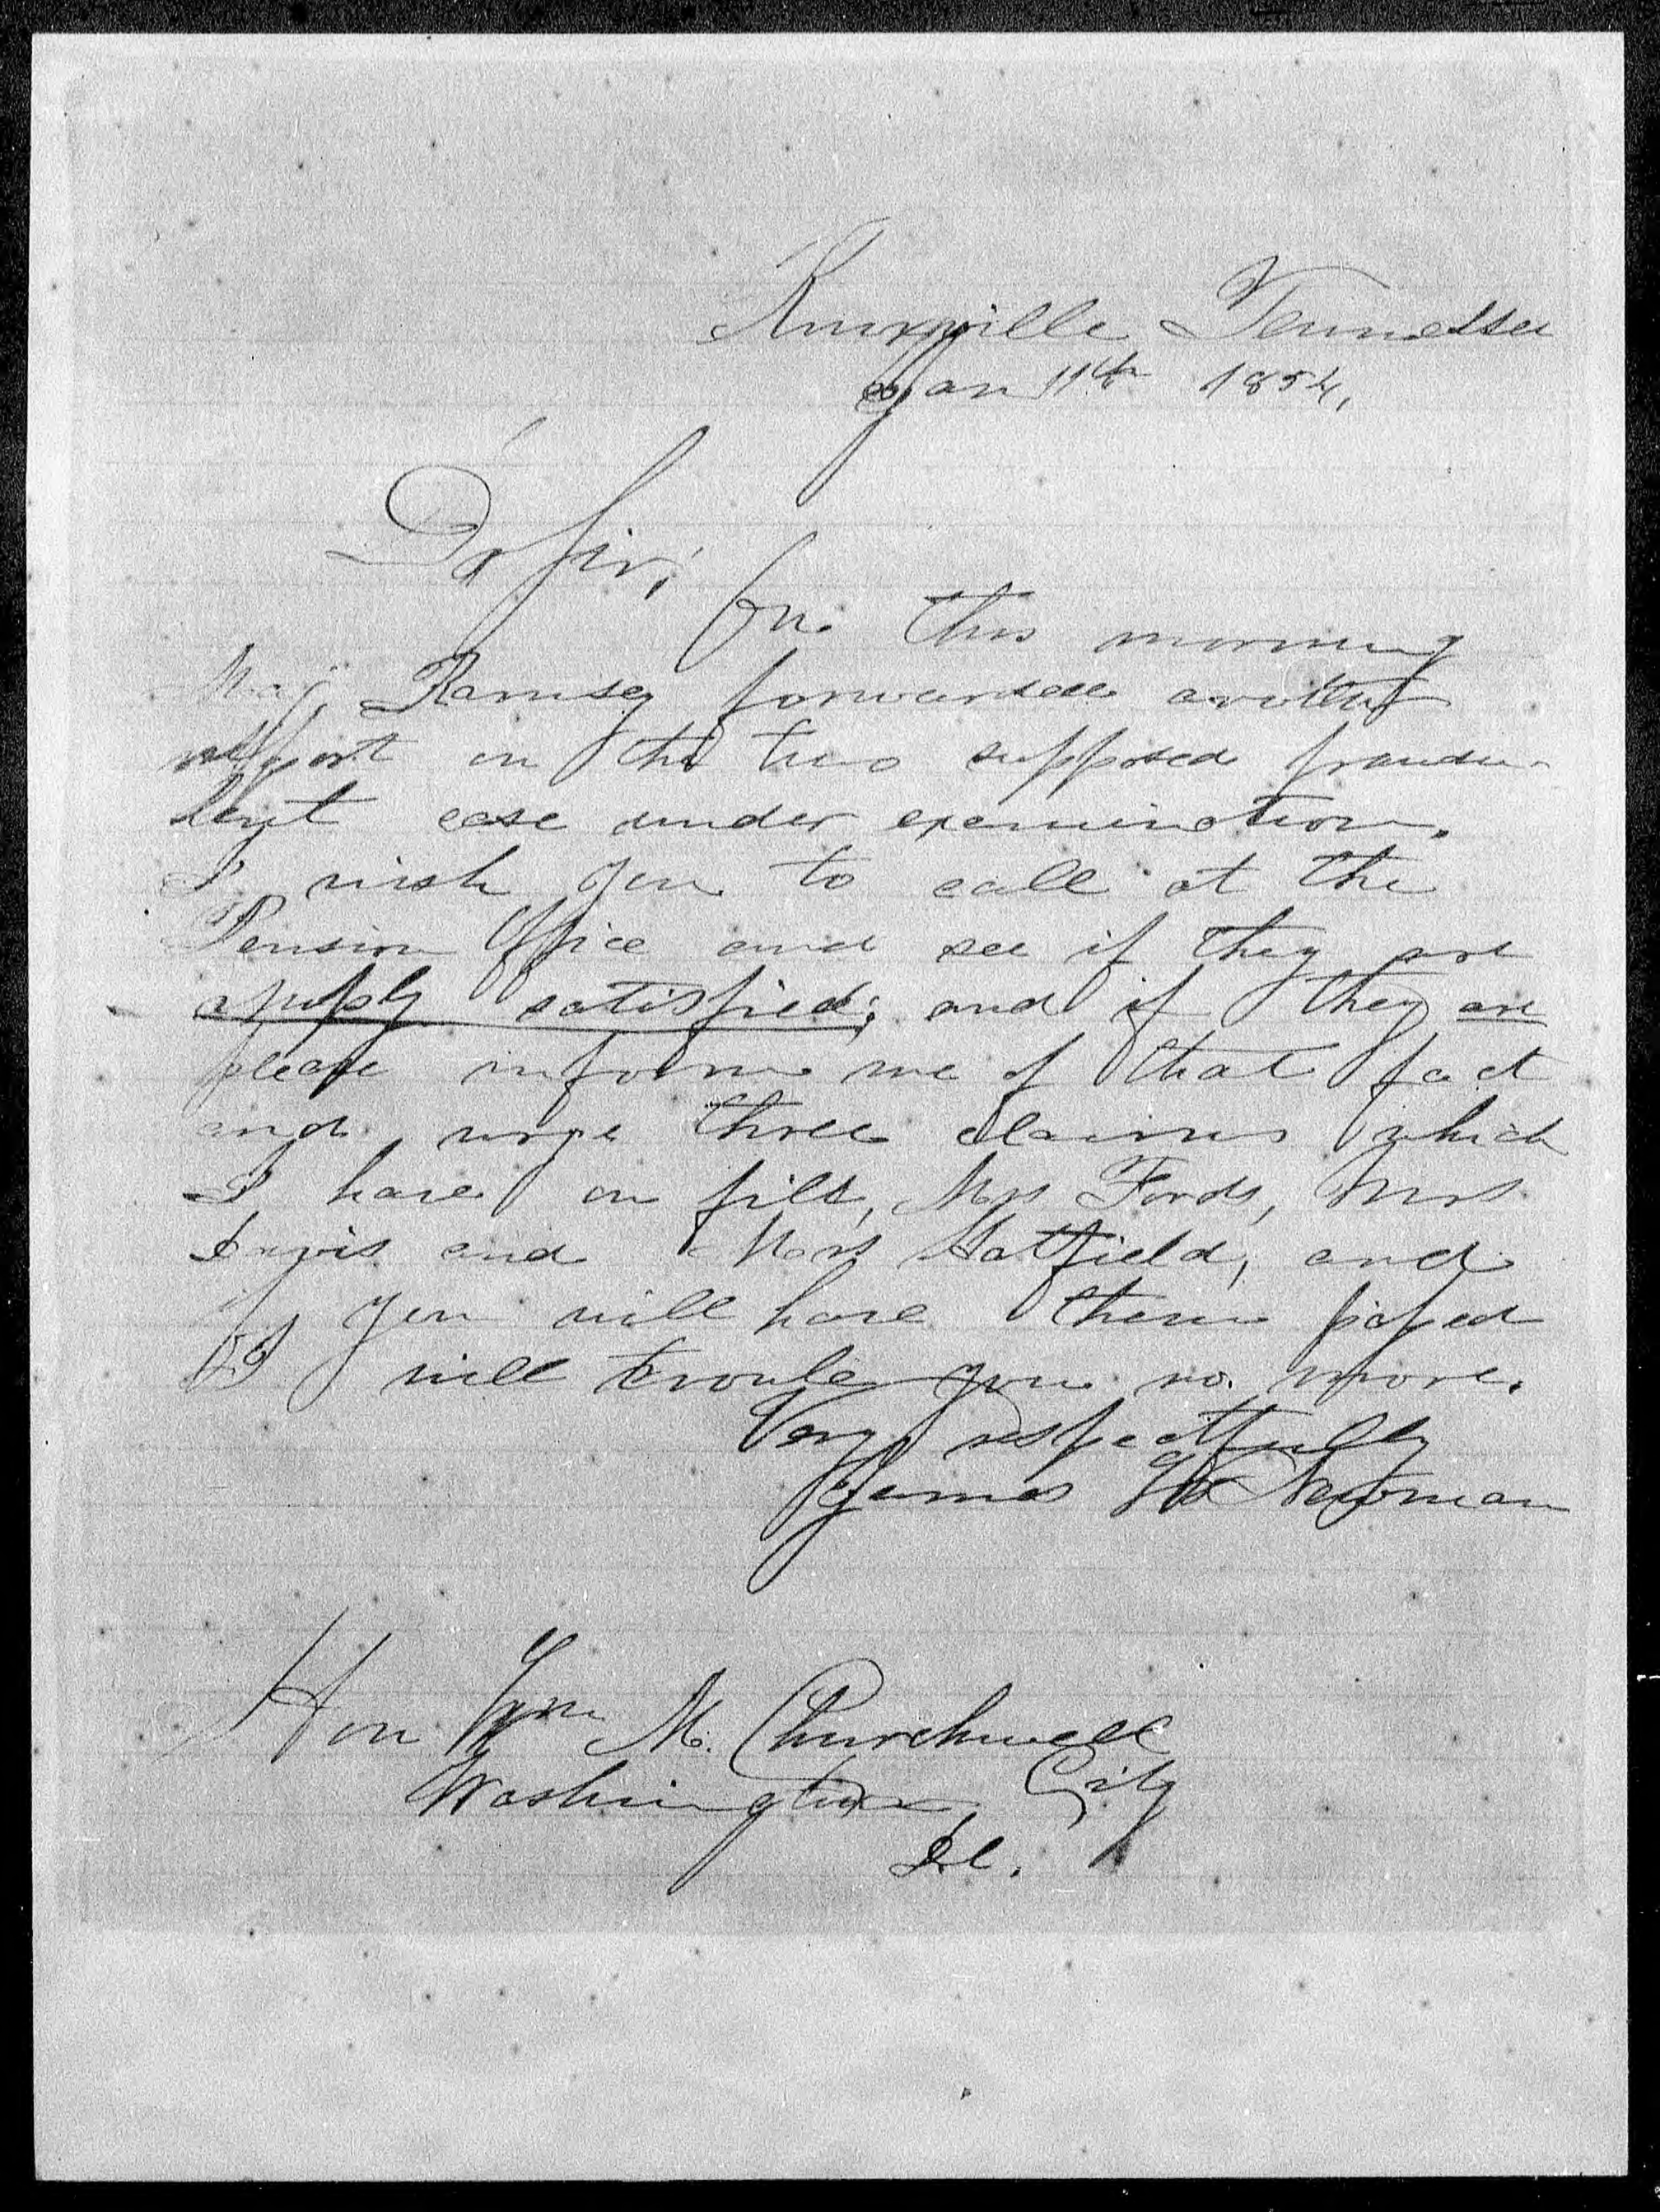Knoxville Tennessee
Jan 11th 1854

Dr Sir,
On this morning Maj Ramsey forwarded another report in the two supposed fraudulent case under examination. I wish you to call at the Pension Office and see if they are amply satisfied; and if they are please inform me of that fact and (illegible) three claims which I have on file, Mrs Fords, Mrs Davis and Mrs Hatfield, and if you will have them passed I will troule you no more
Very respectfully 
James W Newman

Hon. Wm M. Churchwell
Washington CIty D.C.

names: Wm M Churchwell, Fords, Davis, Ramsey, James W Newman, Hatfield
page: 13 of 74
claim: widow's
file: W. 5, Joseph Hatfield, Va.